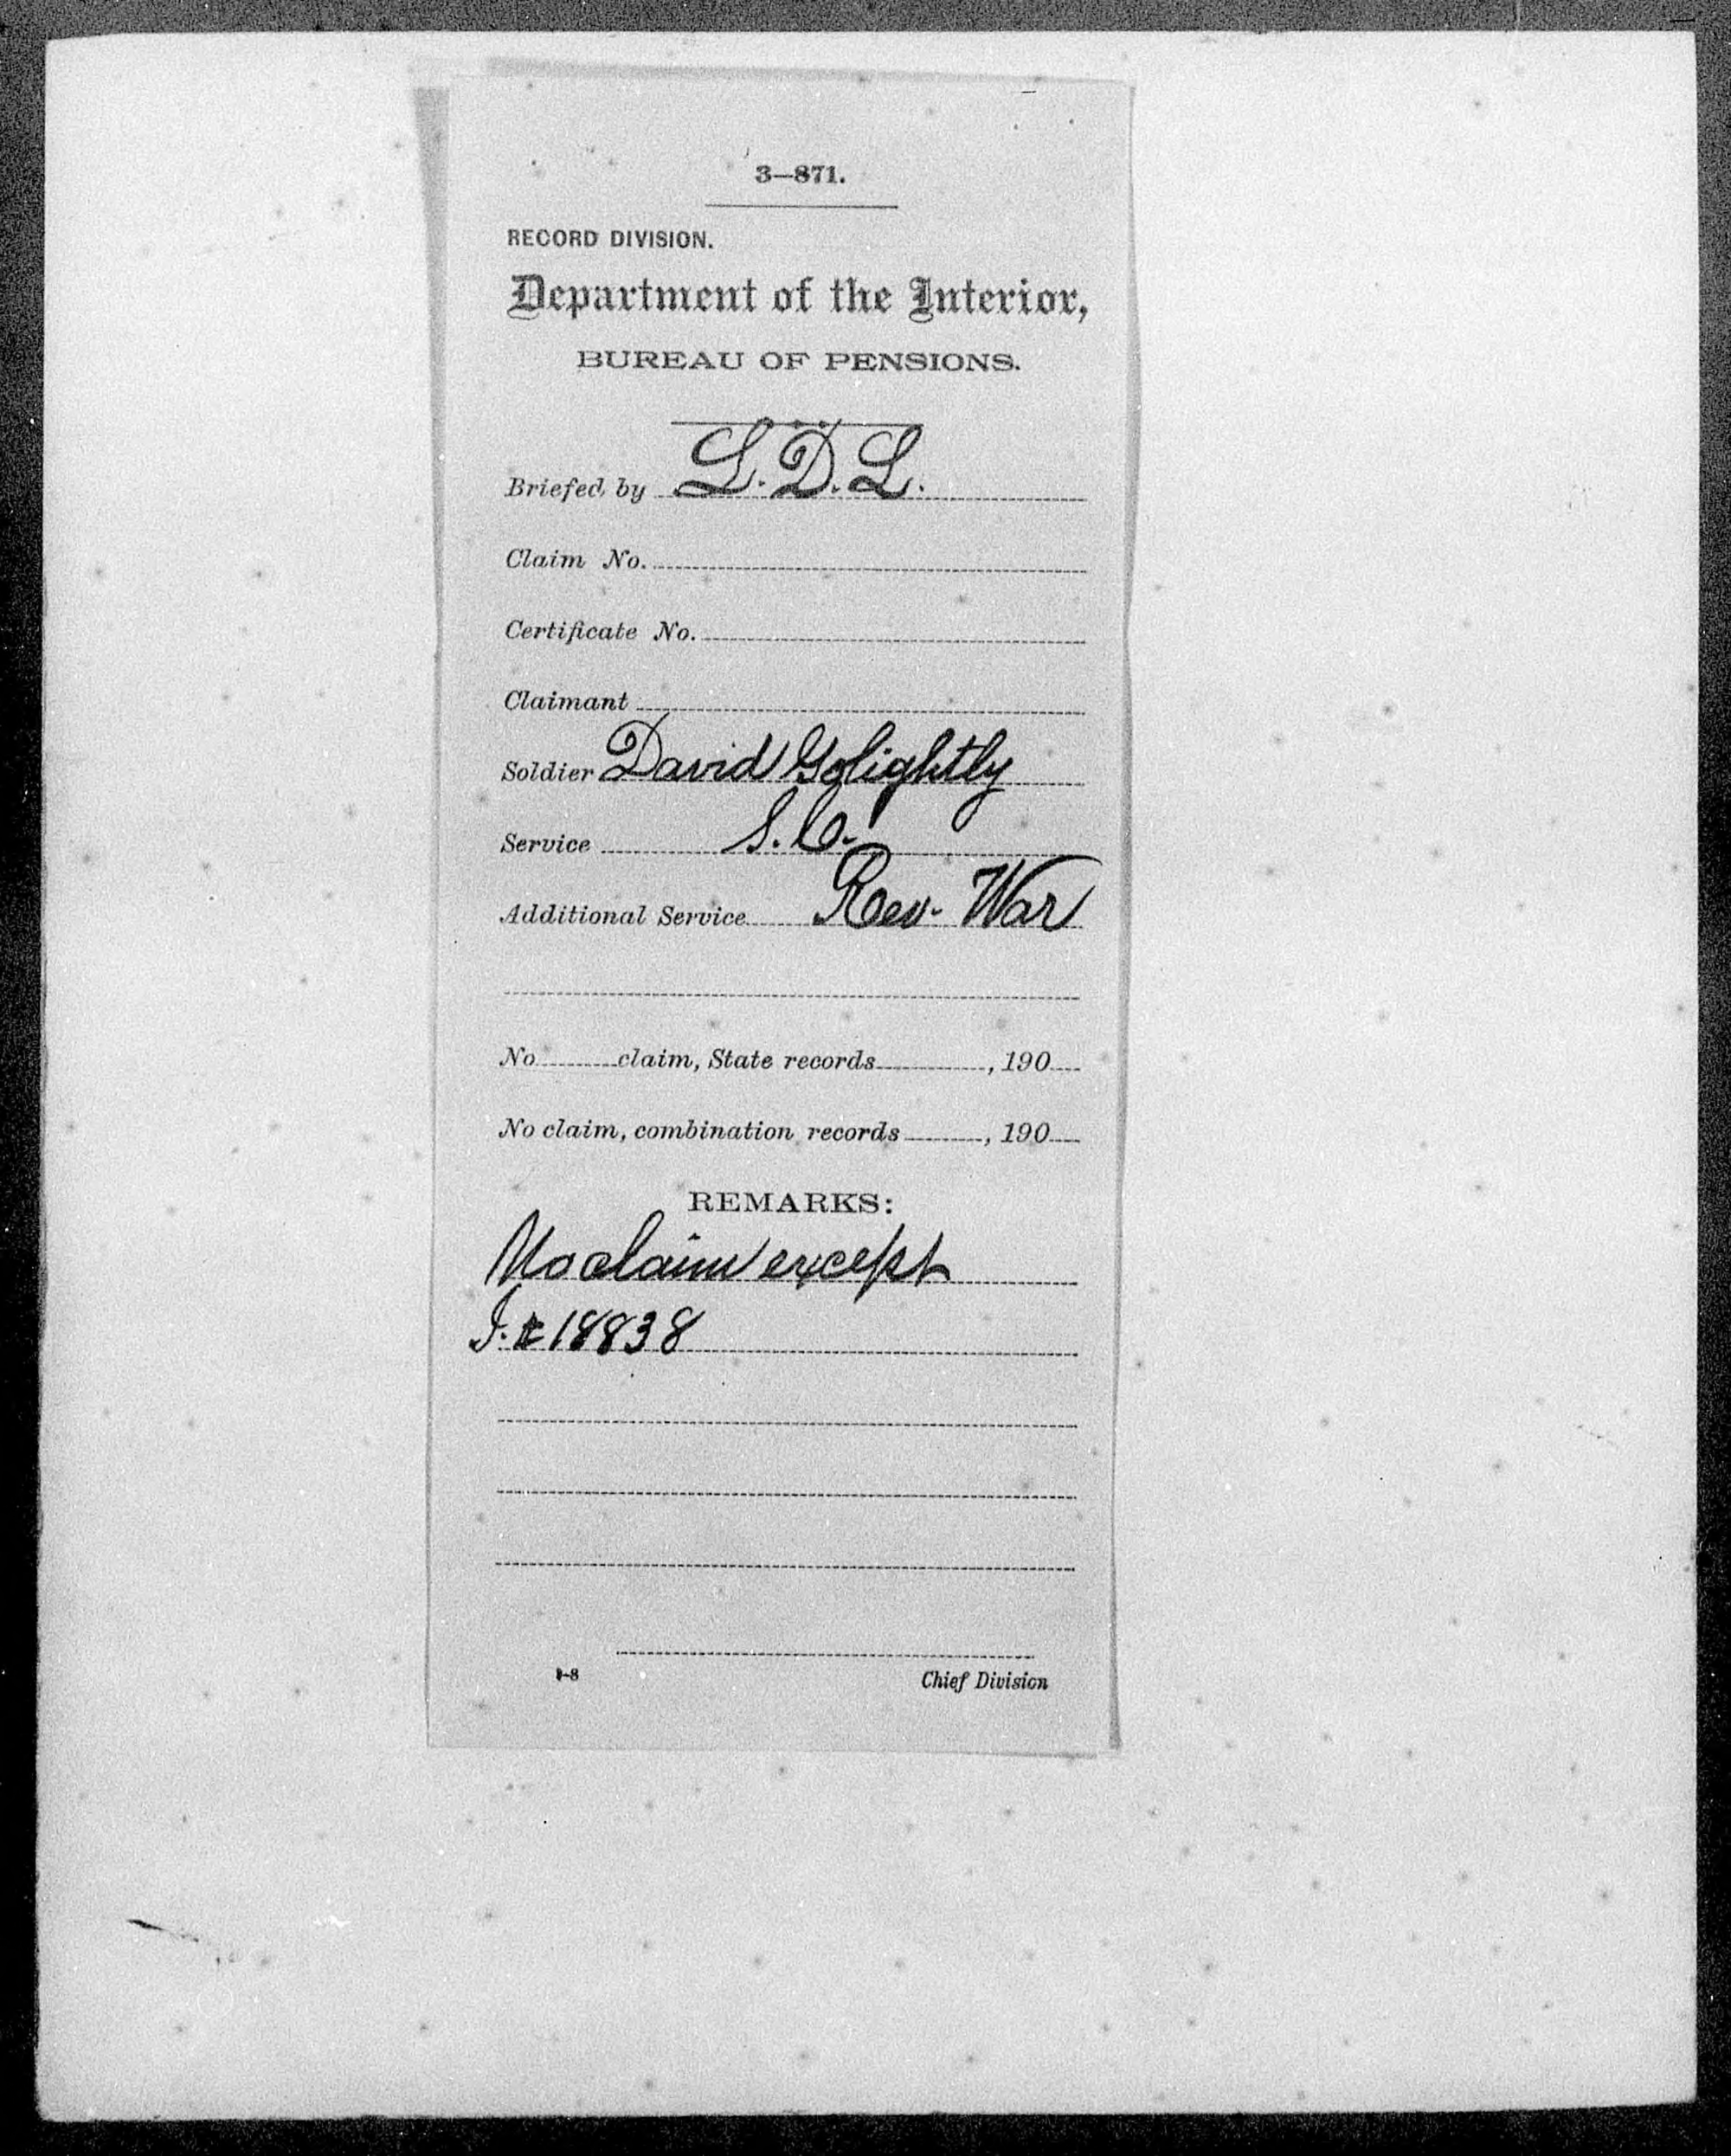3-871.

RECORD DIVISION.

DEPARTMENT OF THE INTERIOR

BUREAU OF PENSIONS.

Briefed by L.D.L.
Claim No.
Certificate No.
Claimant
Soldier David Golightly
Service S.C.
Additional Service Rev. War
No __ Claim, State records __, 190__
No claim combination records __ 10-__

REMARKS:
No claim except I #18838

Chief Division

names: David Golightly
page: 13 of 57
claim: survivor's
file: S. 18888, David Golightly, S.C.